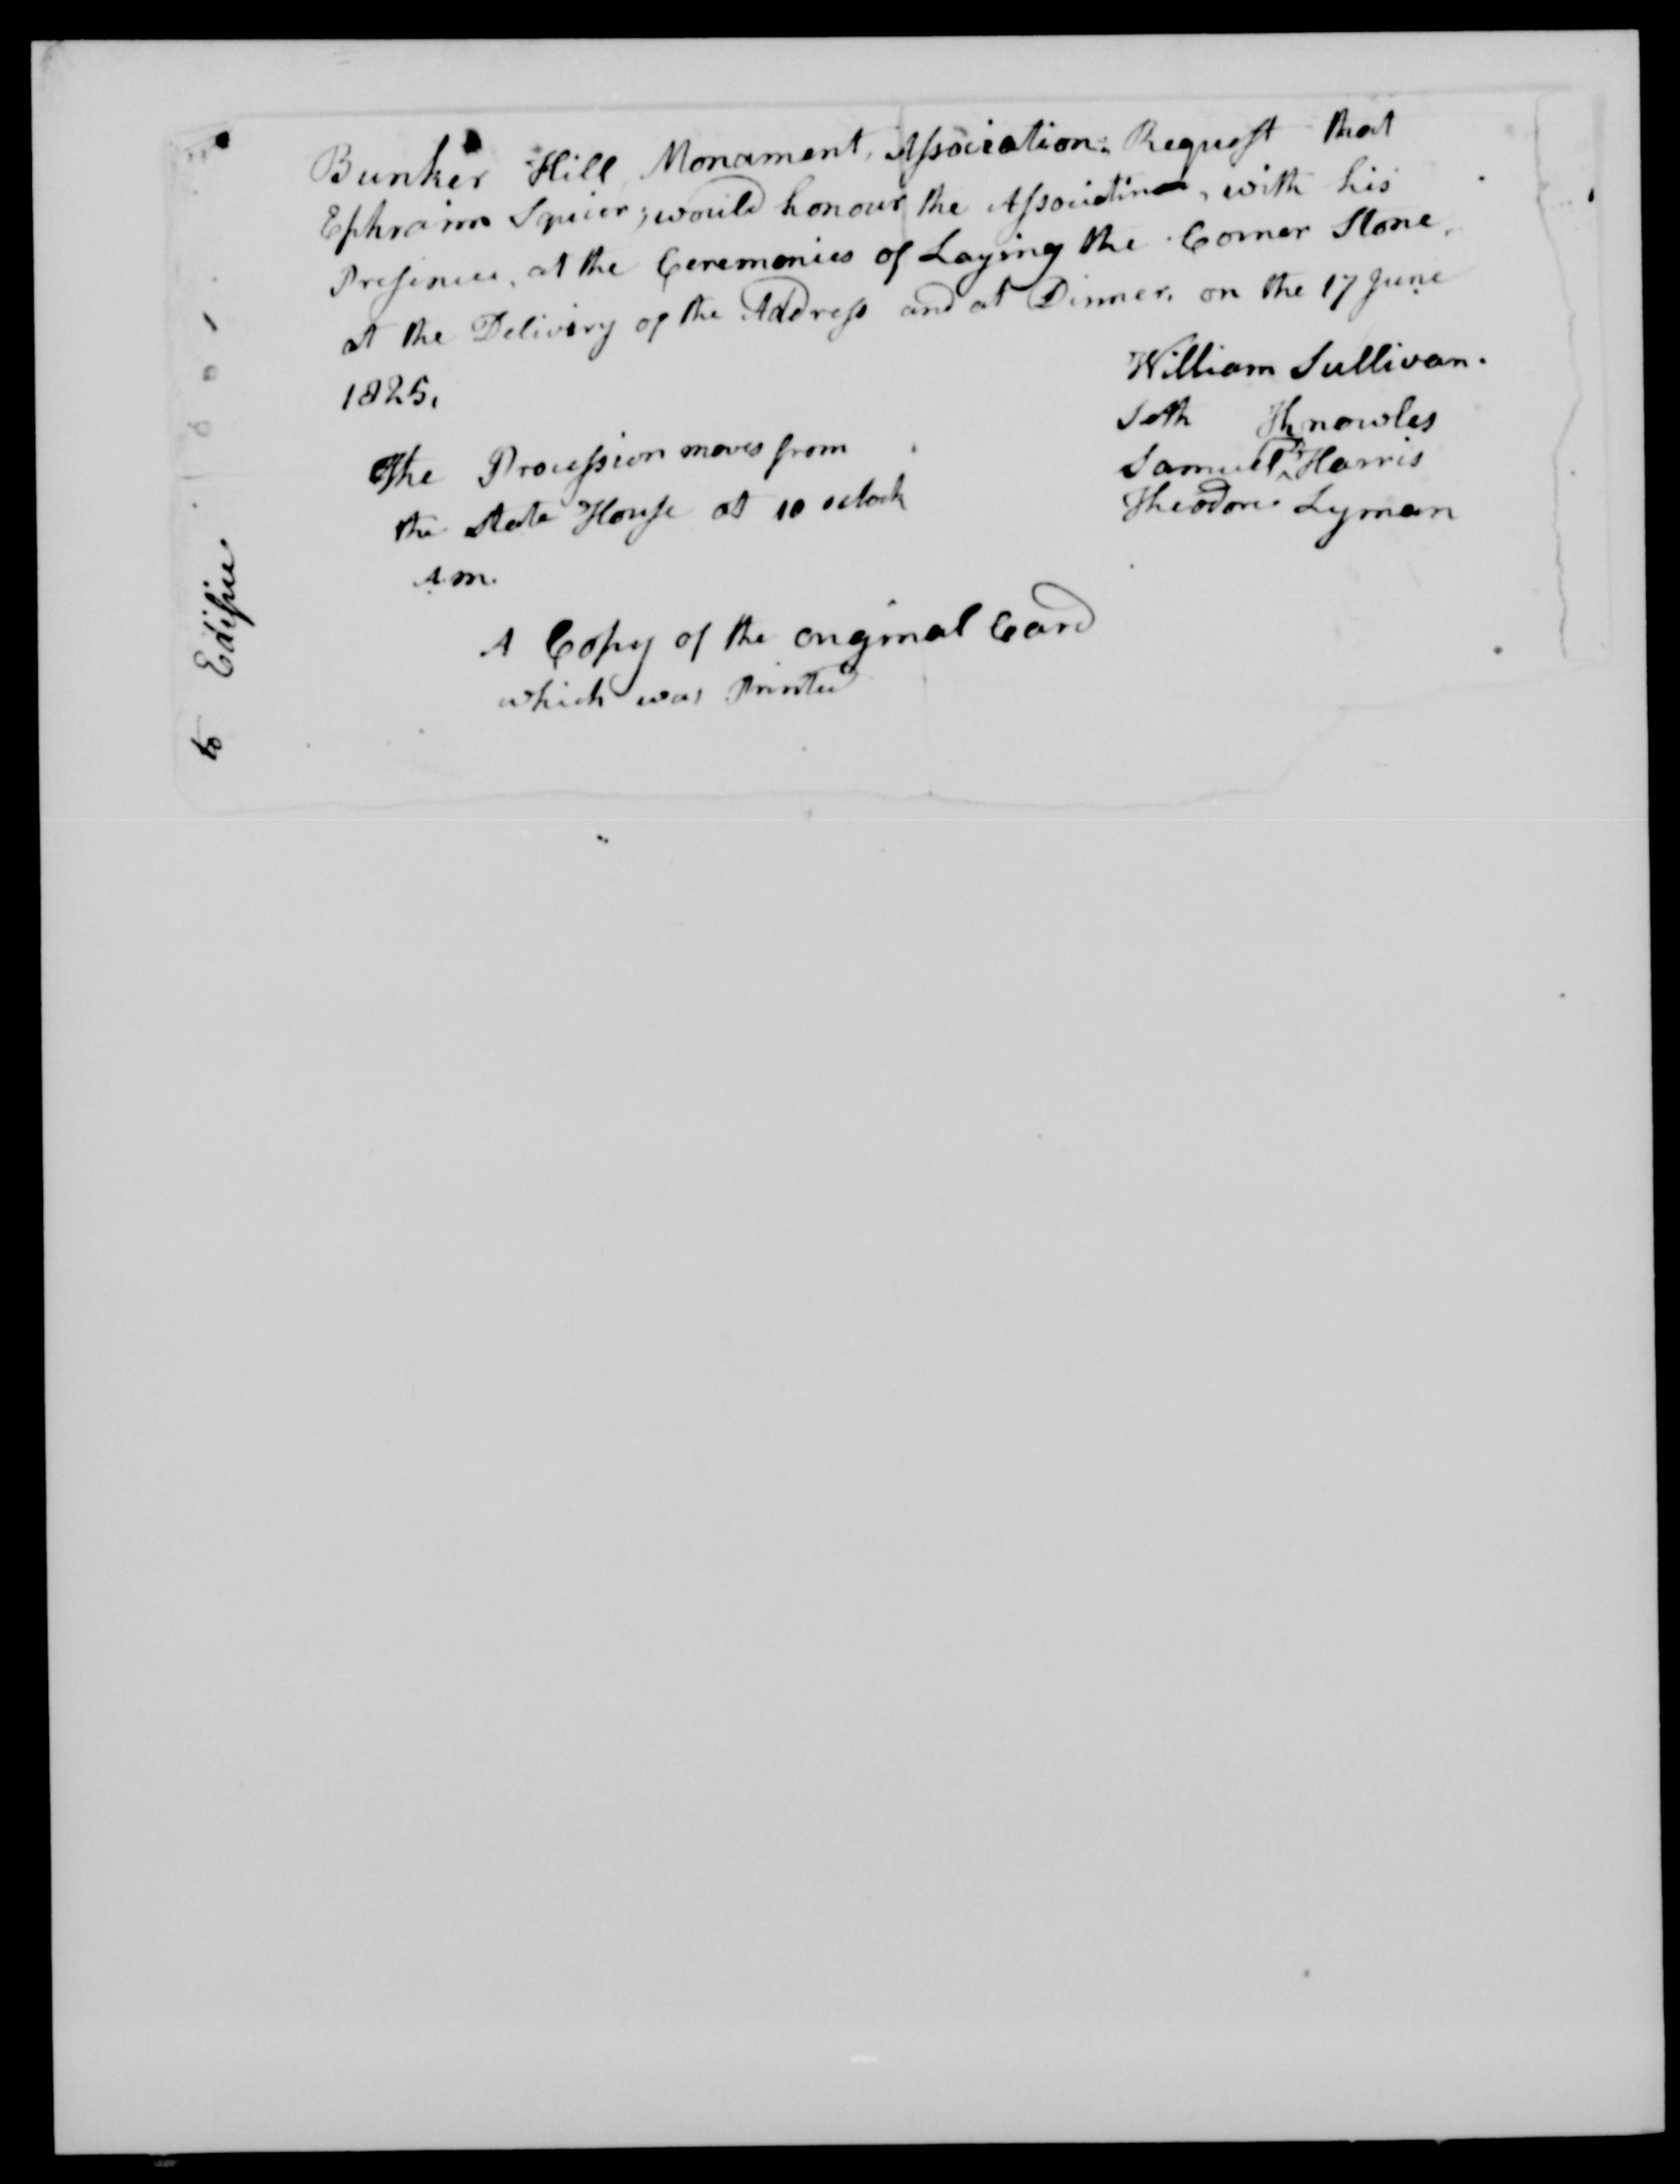Bunker Hill Monument Asociation, Request that Ephraim Squier, would honour the Association, with his presence at the Ceremonies of Laying the Corner Stone at the Delivery of the Address and at Dinner on the 17 June 1825.
William Sullivan
Seth Knowles
Samuel Harris
Theodore Lyman

The procession moves from the state house at 10 oclock AM

A copy of the original card which was printed.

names: Ephraim Squier; Samuel Harris; Seth Knowles; Theodore Lyman; William Sullivan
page: 22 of 70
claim: rejected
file: R. 10,026, for Ephraim Squier, Connecticut